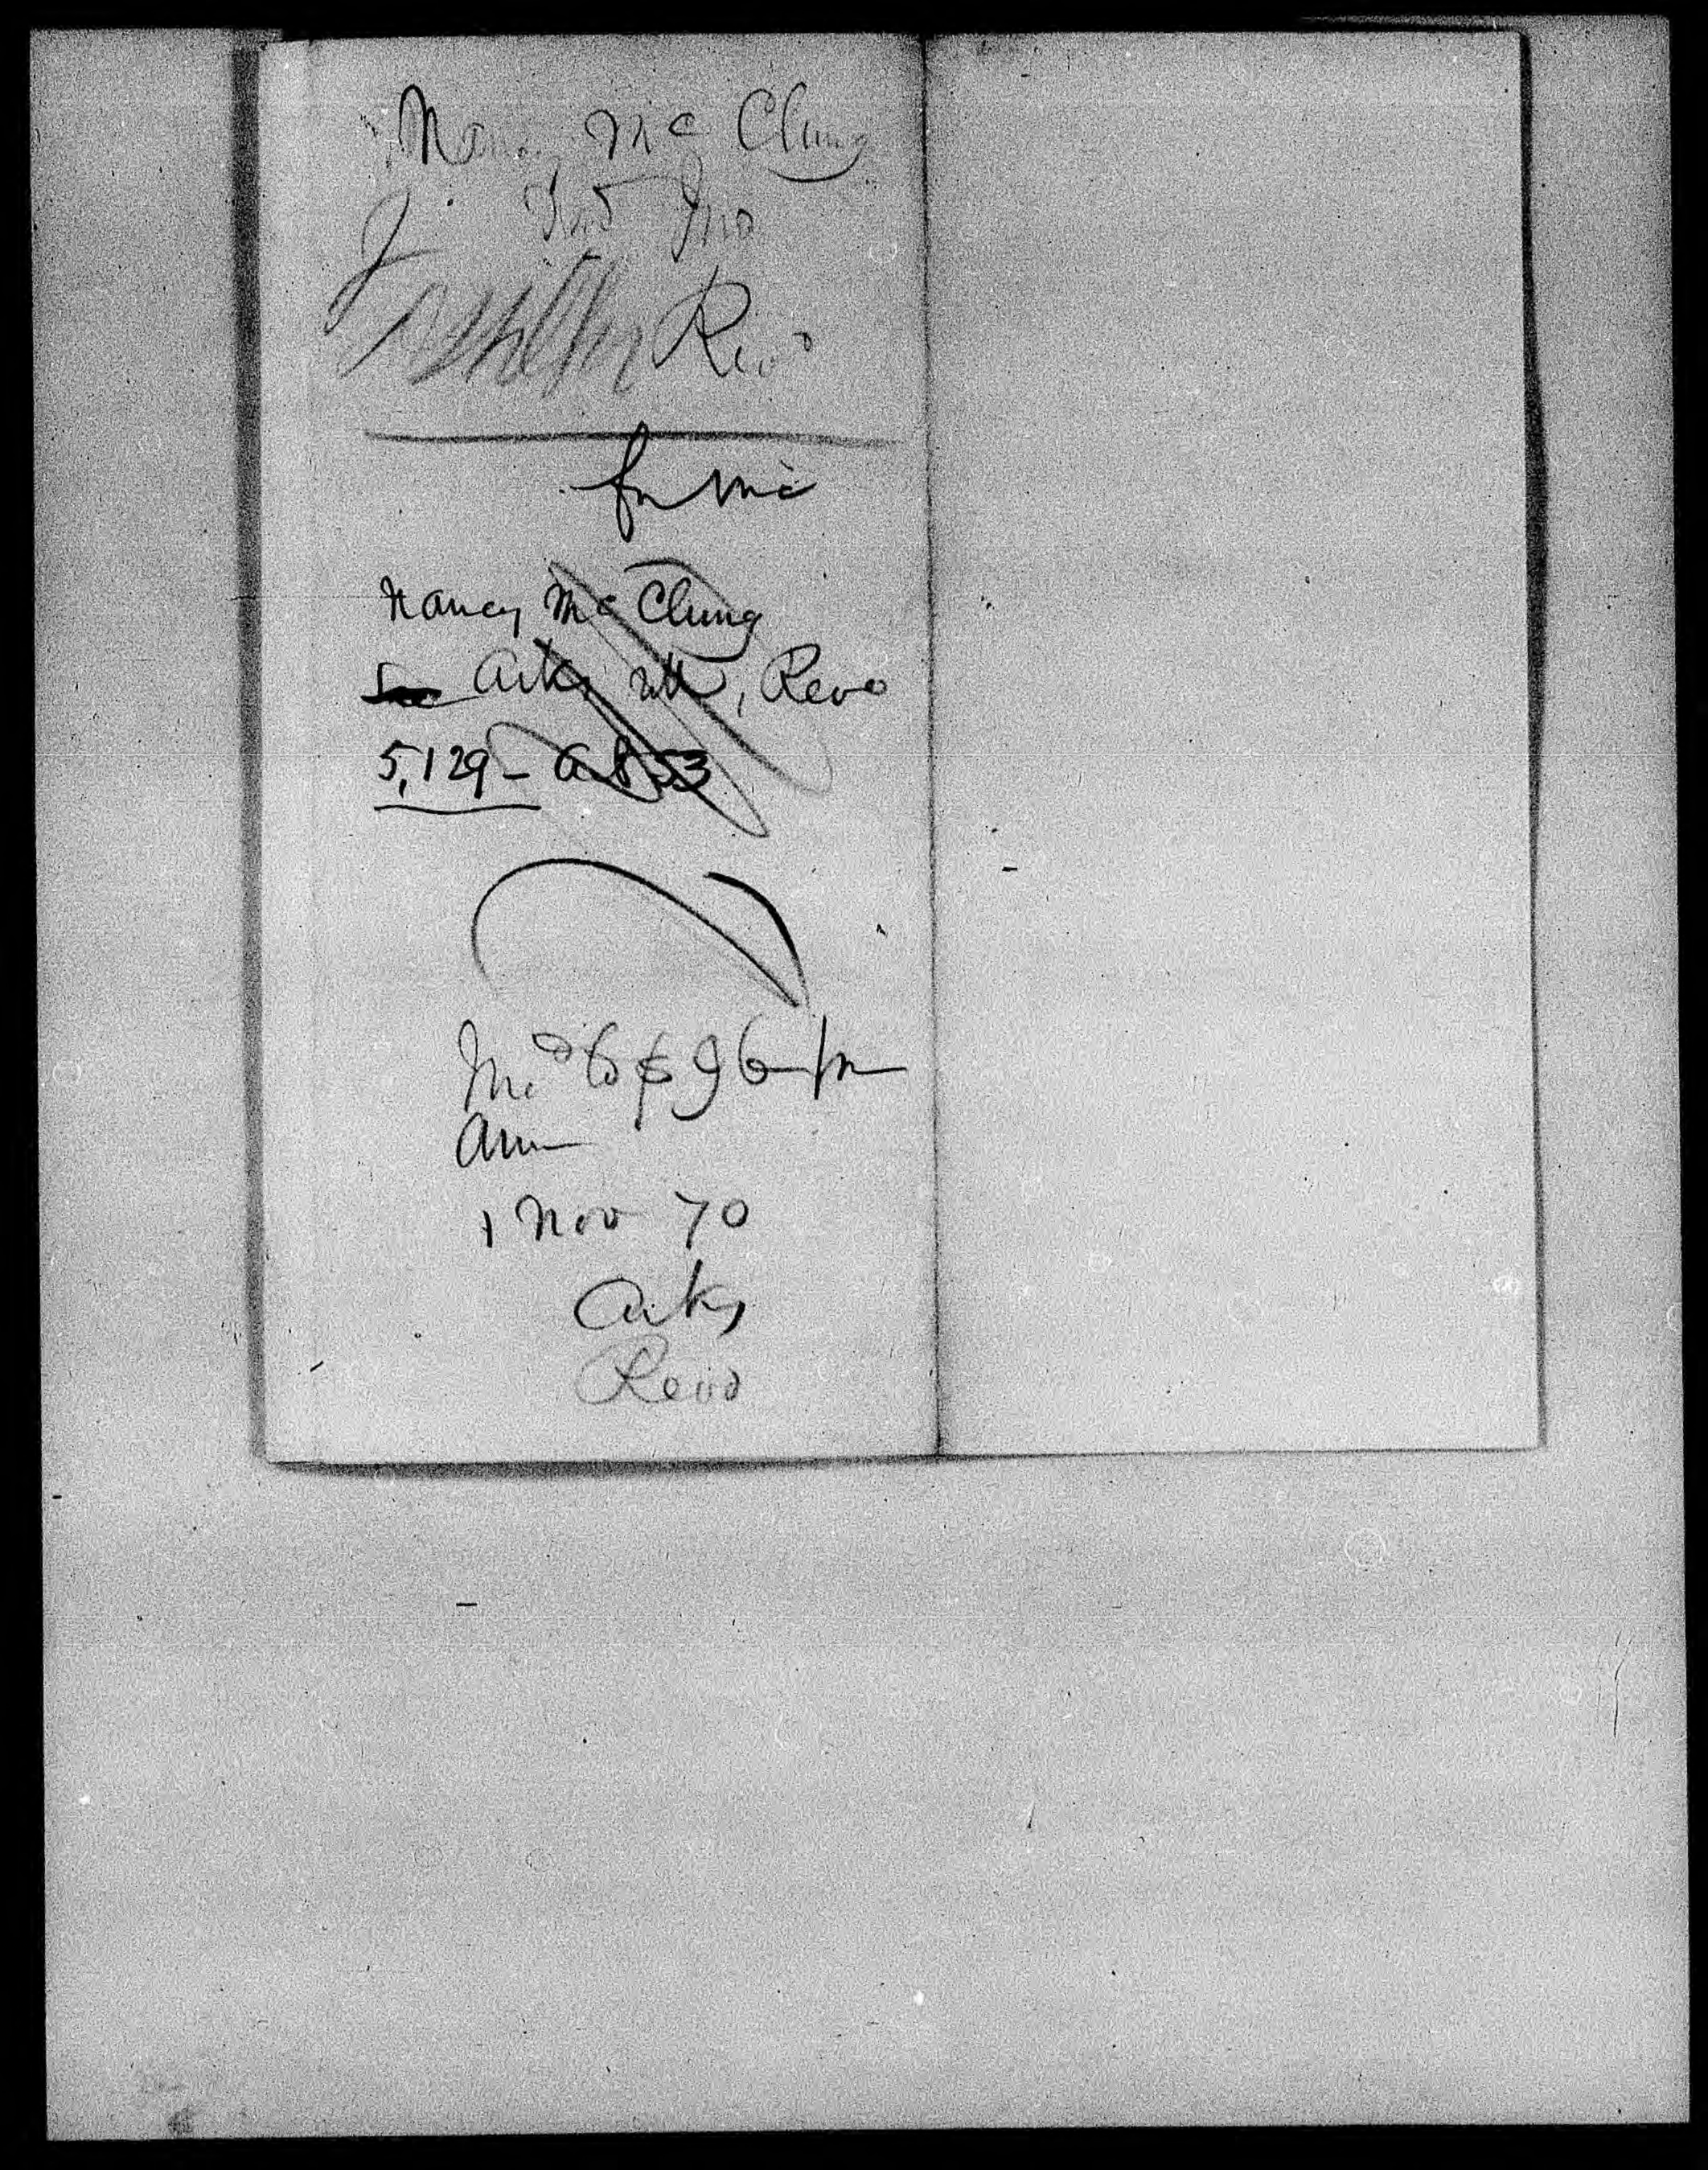Nancy McClung
[illegible] Jno
J 
[illegible]  Rev
_________
From
Nancy McClung
Ark  [illegible] , Rev
5,129- Act 53
Incd to $96 pr
Anm
1 Nov 70
Arks
Revo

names: Jno Mc Clung; Nancy Mc Clung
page: 83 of 115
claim: widow's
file: W. 1446, for John Mc Clung, South Carolina